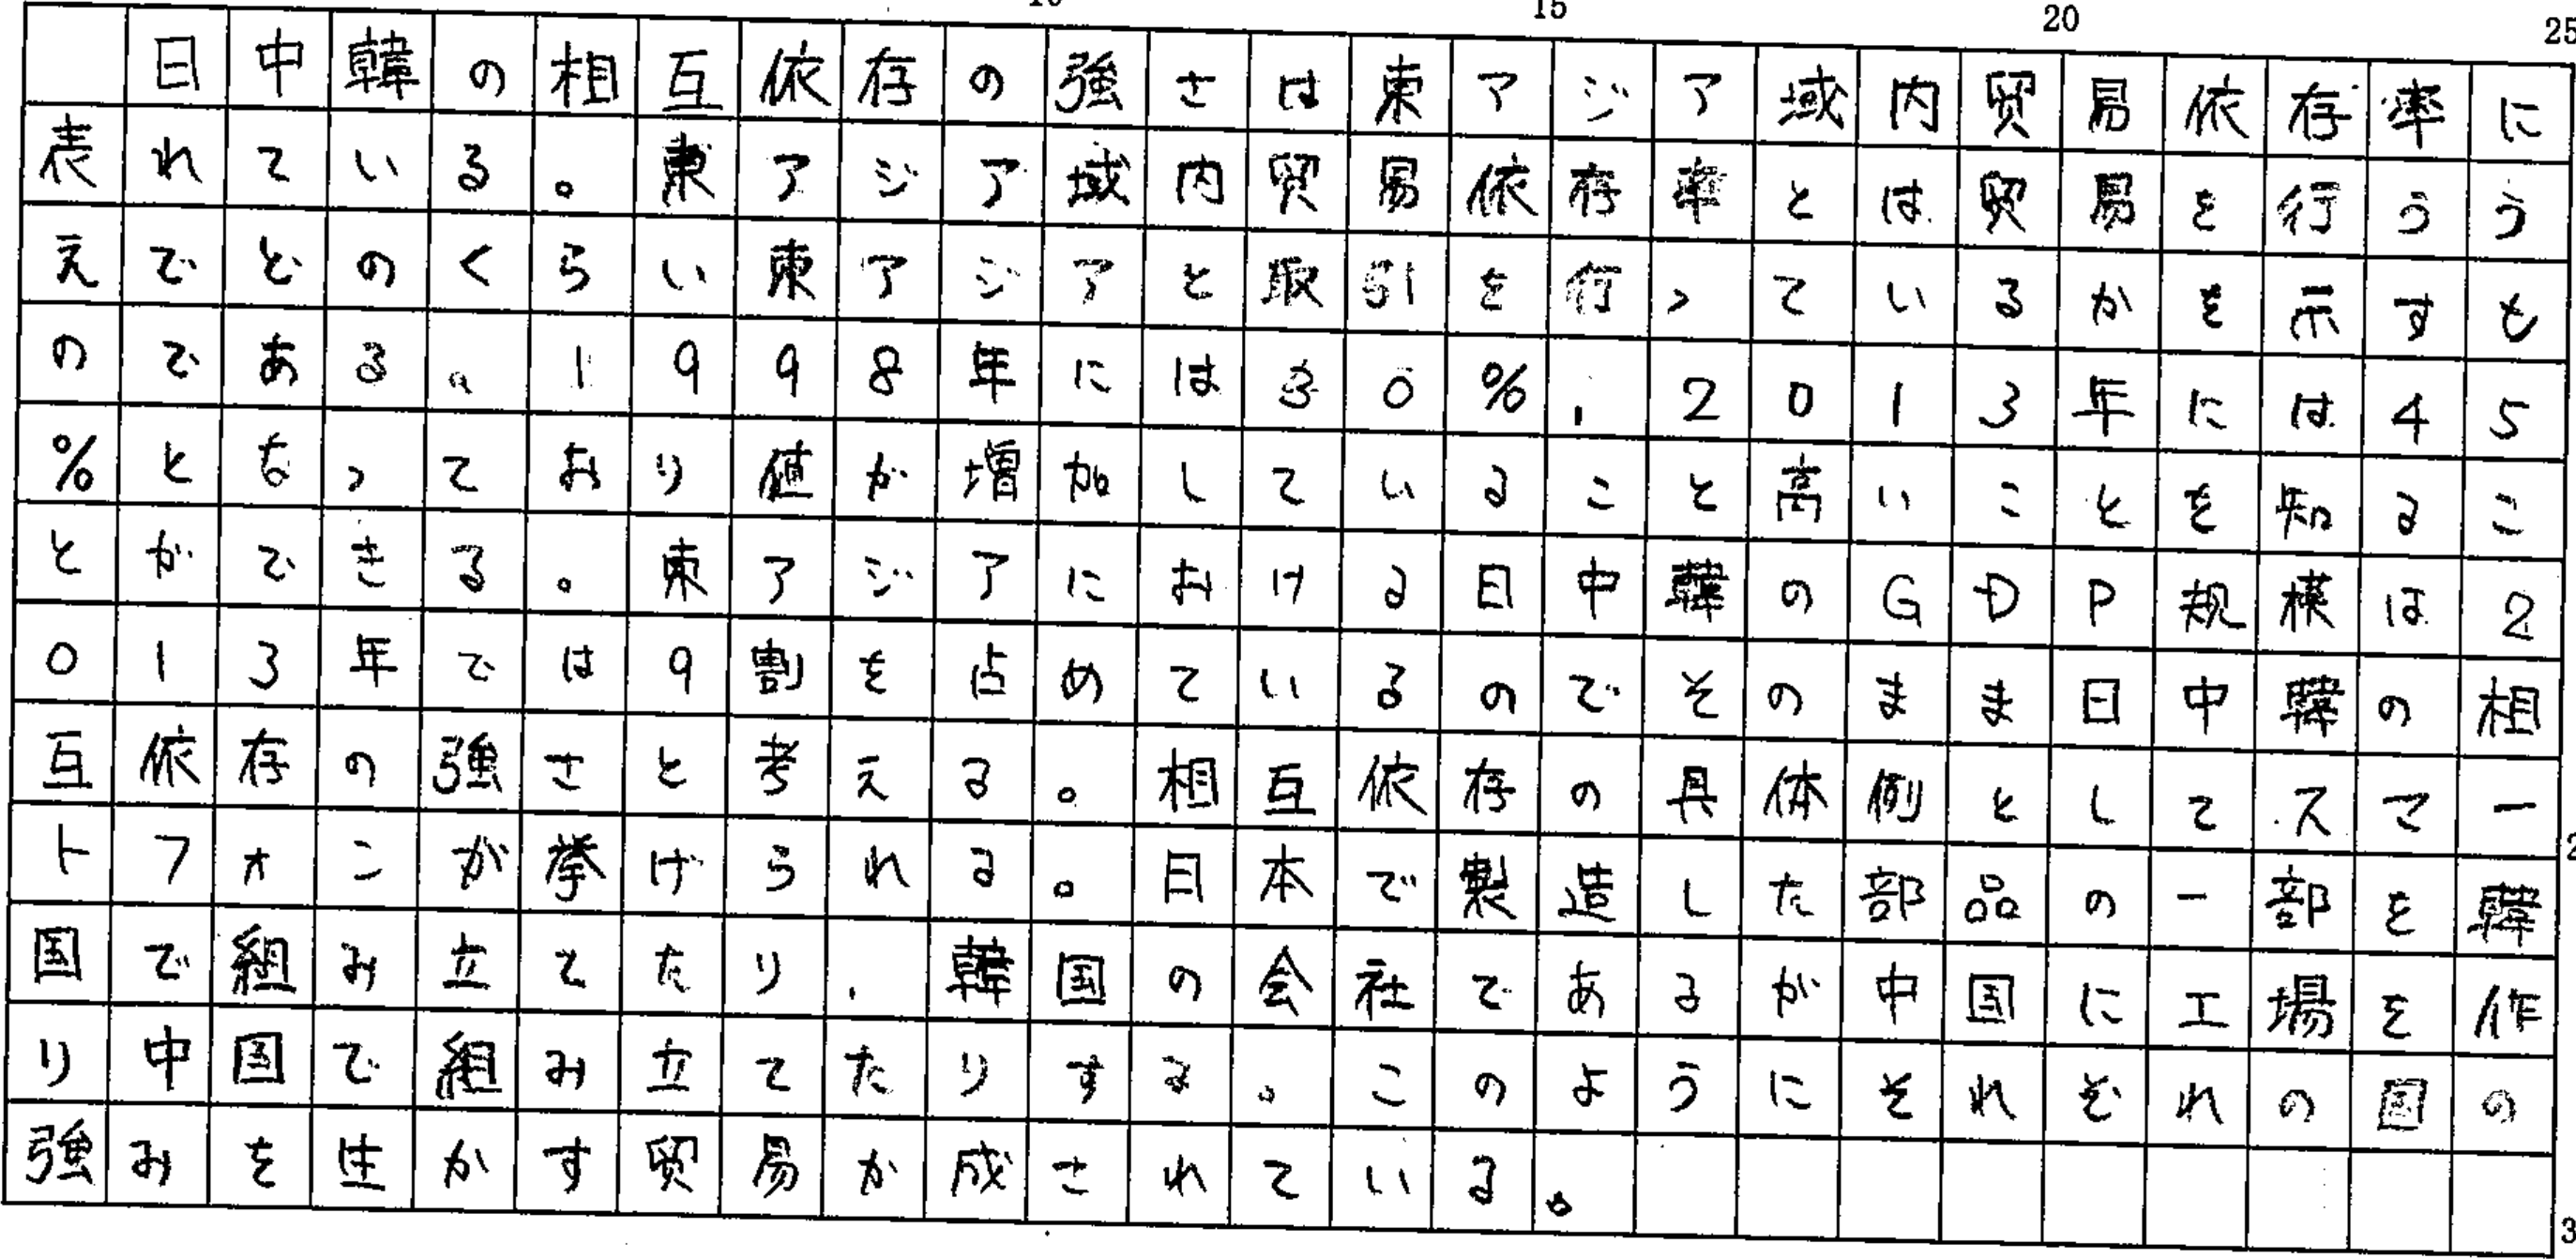　日中韓の相互依存の強さは東アジア域内貿易依存率に表れている。東アジア域内貿易依存率とは貿易を行ううえでどのくらい東アジアと取引を行っているかを示すものである。１９９８年には３０％、２０１３年には４５％となっており値が増加していること高いことを知ることができる。東アジアにおける日中韓のＧＤＰ規模は２０１３年では９割を占めているのでそのまま日中韓の相互依存の強さと考える。相互依存の具体例としてスマートフォンが挙げられる。日本で製造した部品の一部を韓国で組み立てたり、韓国の会社であるが中国に工場を作り中国で組み立てたりする。このようにそれぞれの国の強みを生かす貿易が成されている。
